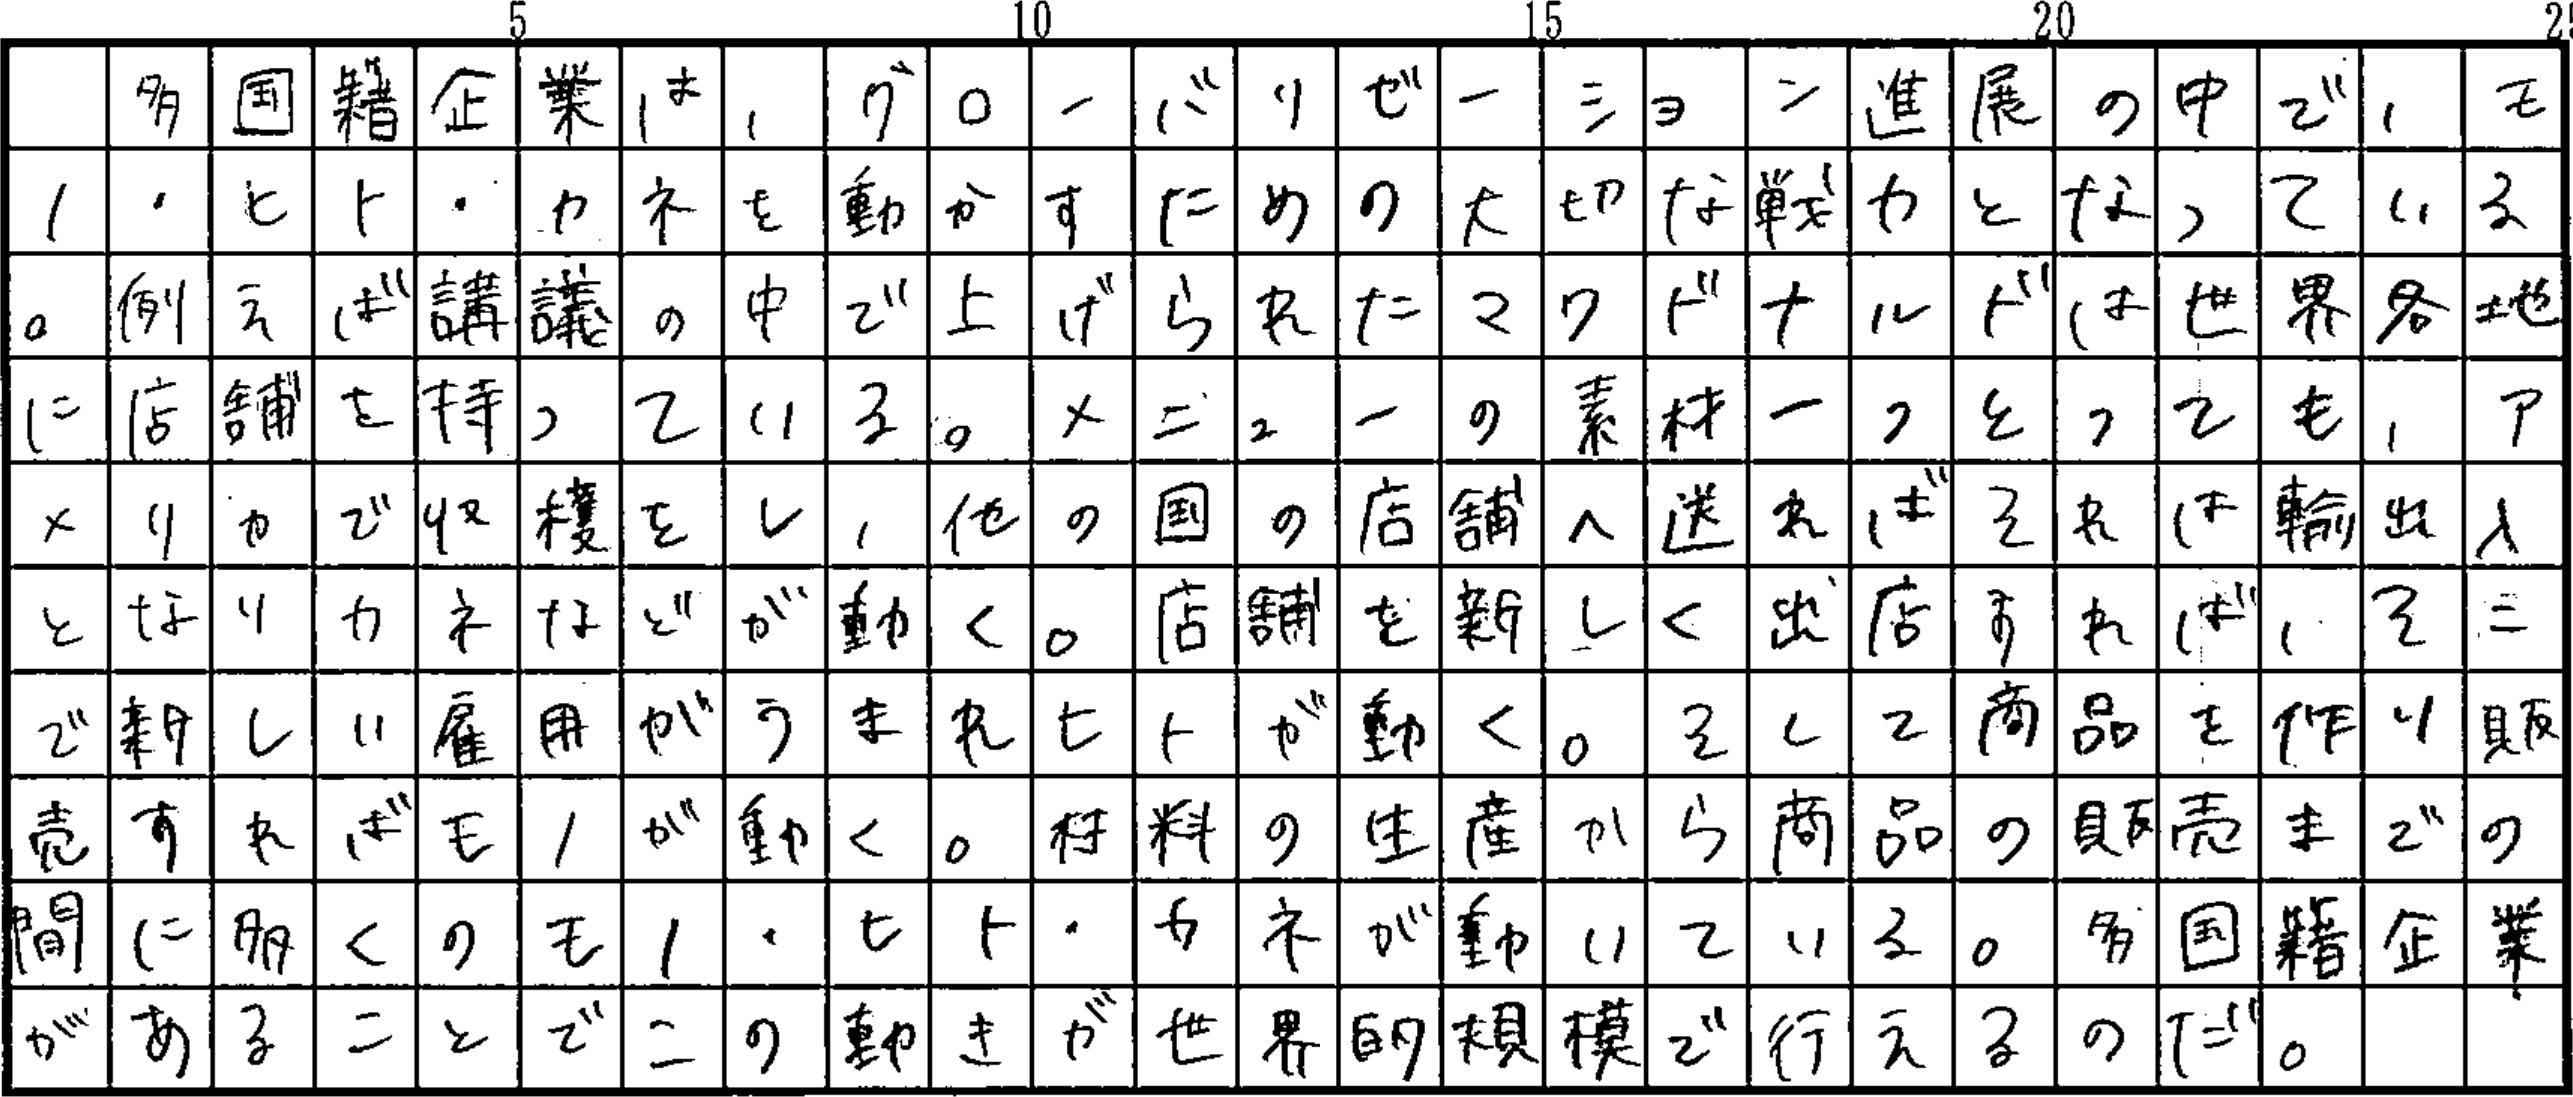　多国籍企業は、グローバリゼーション進展の中で、モノ・ヒト・カネを動かすための大切な戦力となっている。例えば講議の中で上げられたマクドナルドは世界各地に店舗を持っている。メニューの素材一つとっても、アメリカで収穫をし、他の国の店舗へ送ればそれは輸出入となりカネなどが動く。店舗を新しく出店すれば、そこで新しい雇用がうまれヒトが動く。そして商品を作り販売すればモノが動く。材料の生産から商品の販売までの間に多くのモノ・ヒト・カネが動いている。多国籍企業があることでこの動きが世界的規模で行えるのだ。
